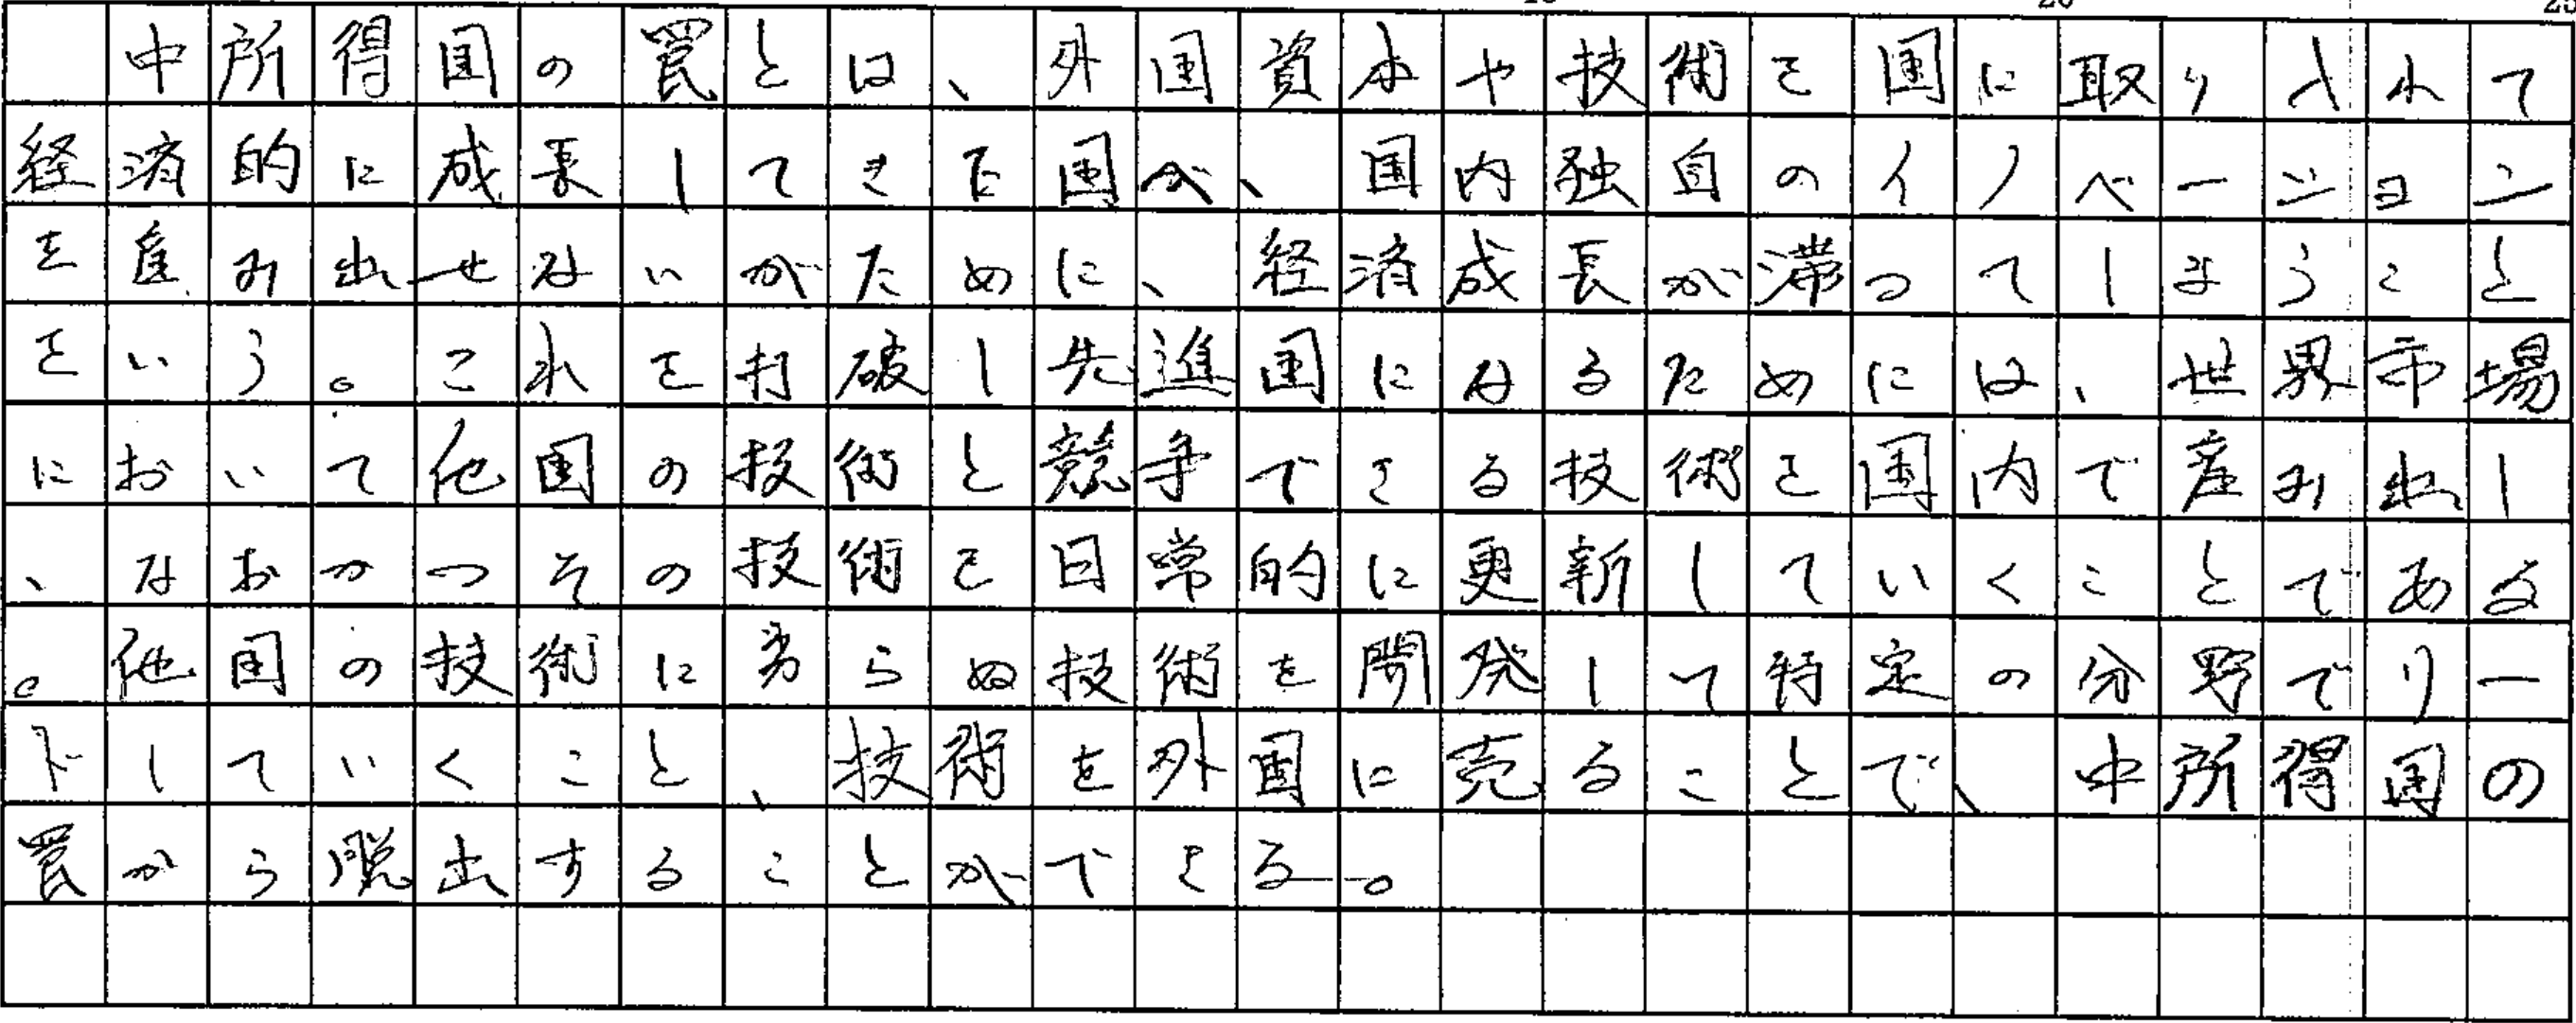　中所得国の罠とは、外国資本や技術を国に取り入れて経済的に成長してきた国が、国内独自のイノベーションを産み出せないがために、経済成長が滞ってしまうことをいう。これを打破し先進国になるためには、世界市場において他国の技術と競争できる技術を国内で産み出し、なおかつその技術を日常的に更新していくことである。他国の技術に劣らぬ技術を開発して特定の分野でリードしていくこと、技術を外国に売ることで、中所得国の罠から脱出することができる。
